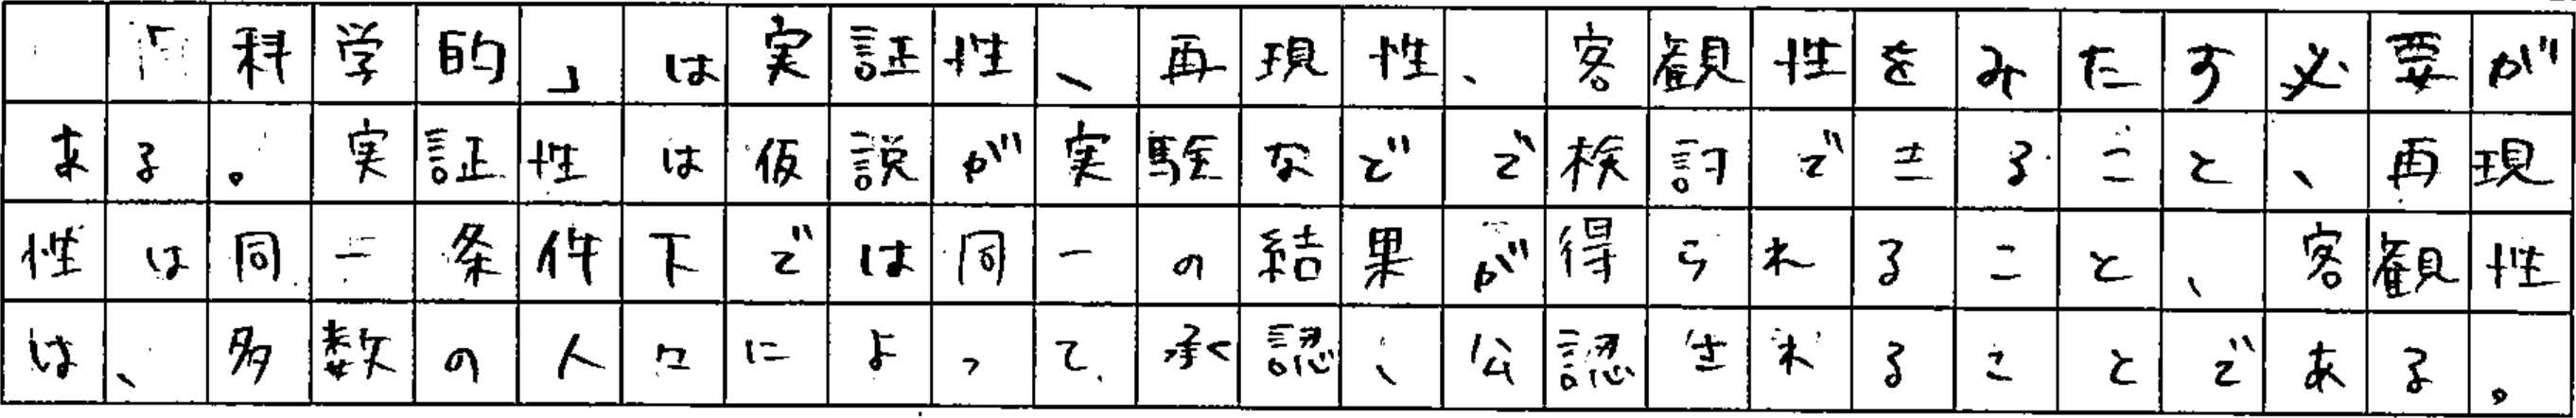　「科学的」は実証性、再現性、客観性をみたす必要がある。実証性は仮説が実験などで検討できること、再現性は同一条件下では同一の結果が得られること、客観性は、多数の人々によって承認、公認されることである。
